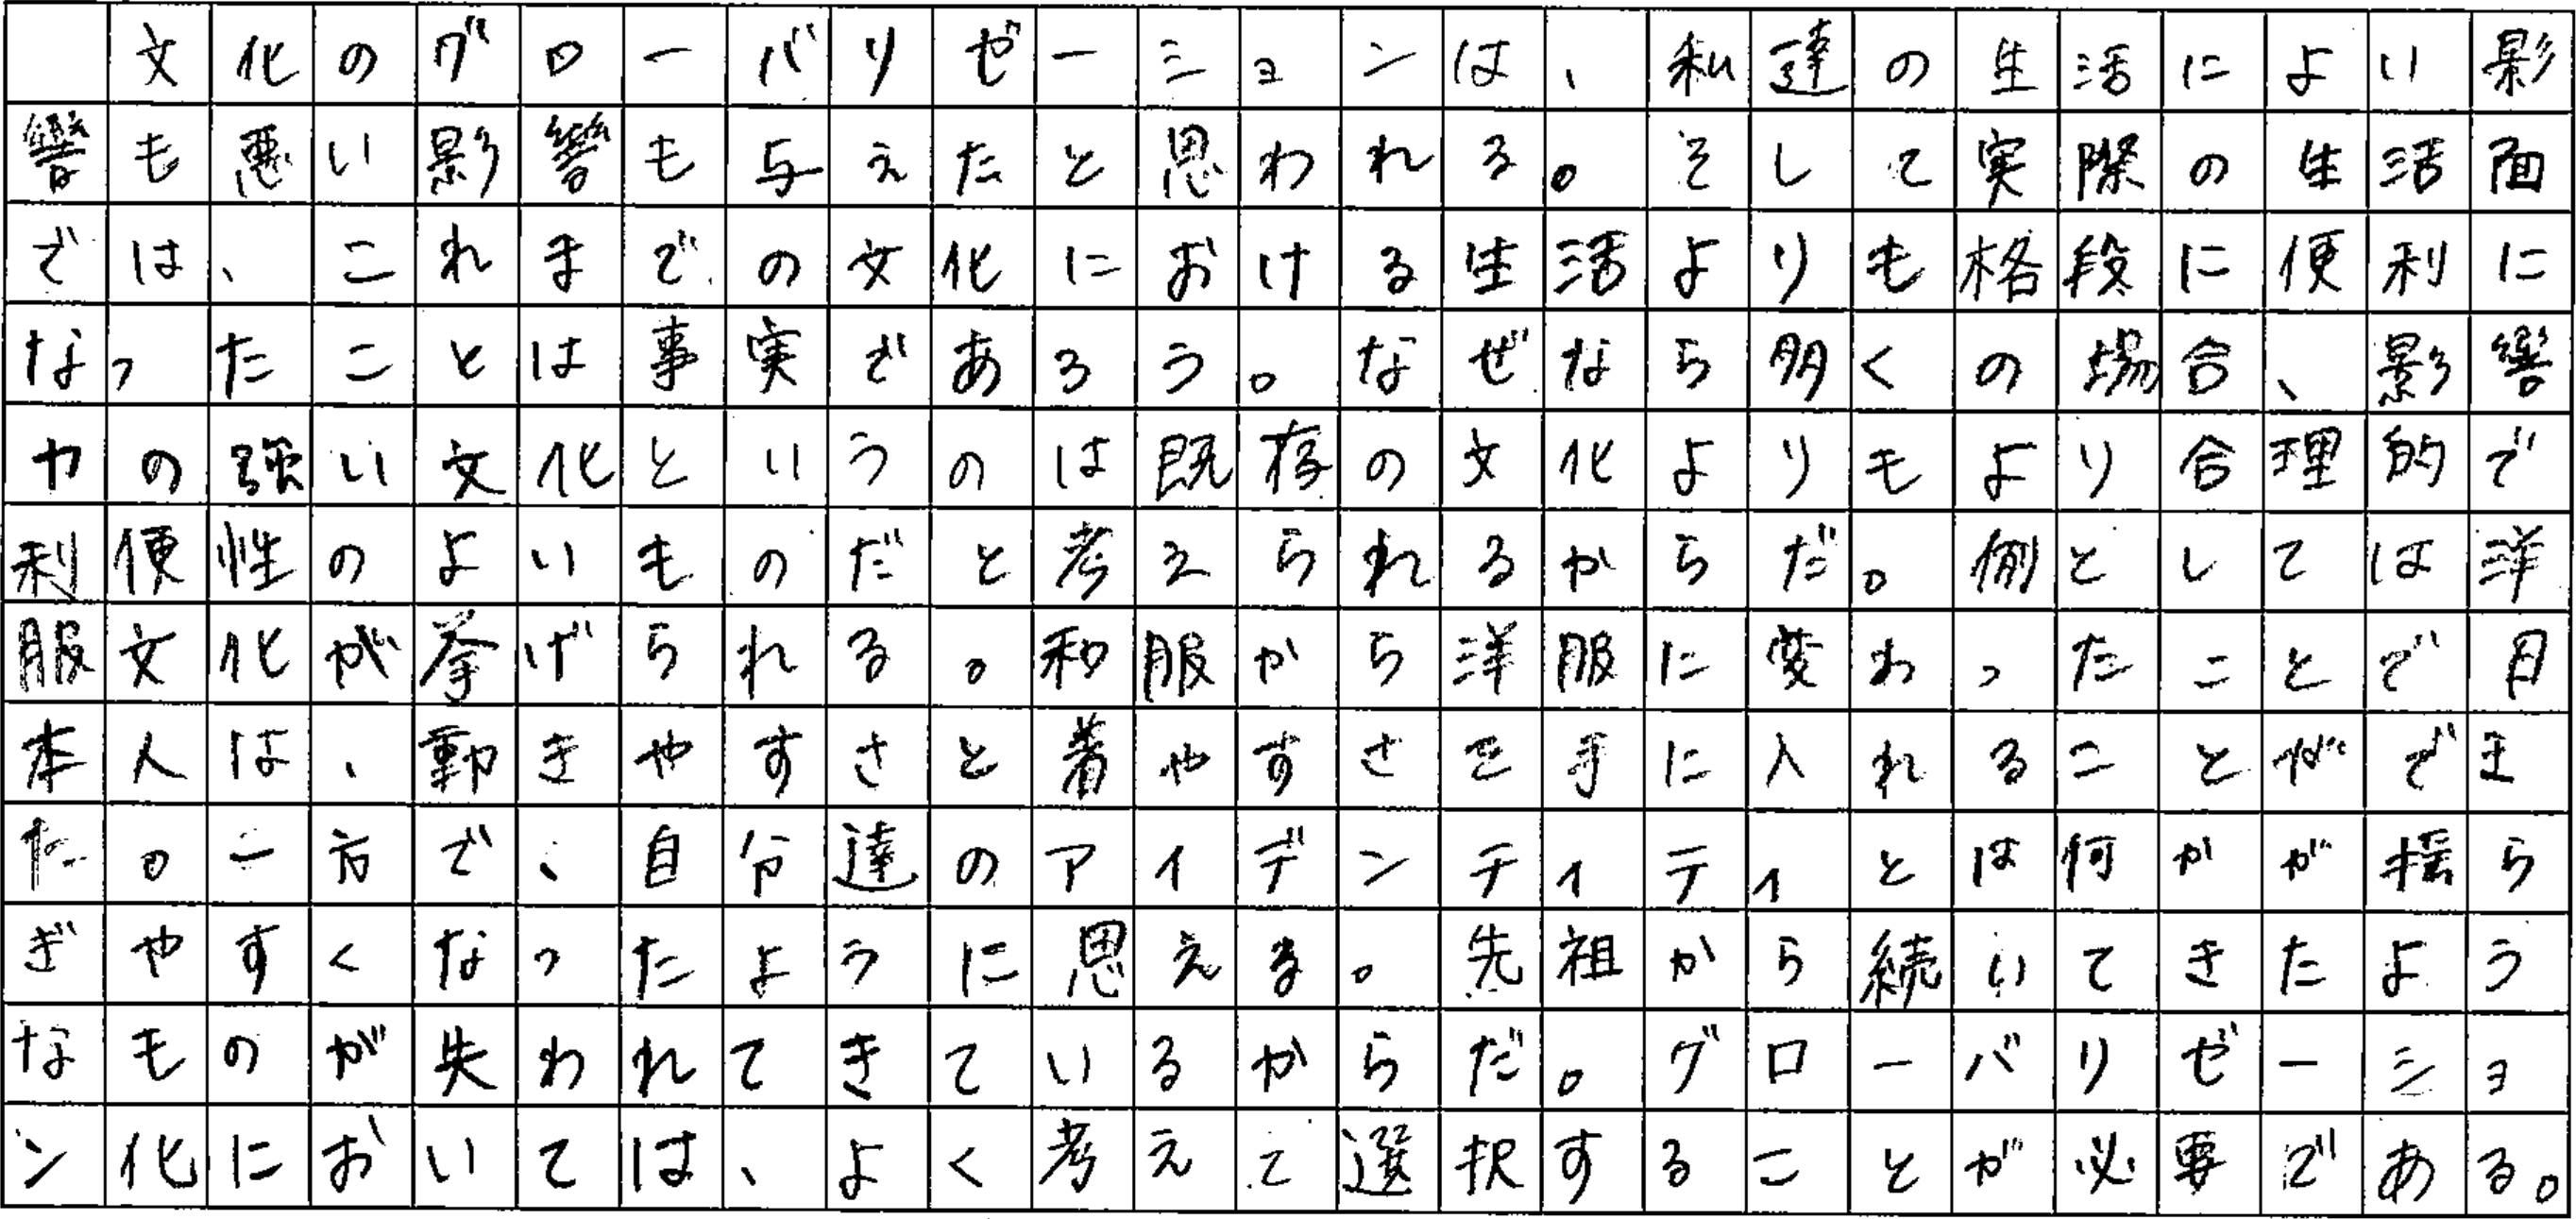　文化のグローバリゼーションは、私達の生活によい影響も悪い影響も与えたと思われる。そして実際の生活面では、これまでの文化における生活よりも格段に便利になったことは事実であろう。なぜなら多くの場合、影響力の強い文化というのは既存の文化よりもより合理的で利便性のよいものだと考えられるからだ。例としては洋服文化が挙げられる。和服から洋服に変わったことで日本人は、動きやすさと着やすさを手に入れることができた。一方で、自分たちのアイデンティティとは何かが揺らぎやすくなったように思える。先祖から続いてきたようなものが失われてきているからだ。グローバリゼーション化においては、よく考えて選択することが必要である。
